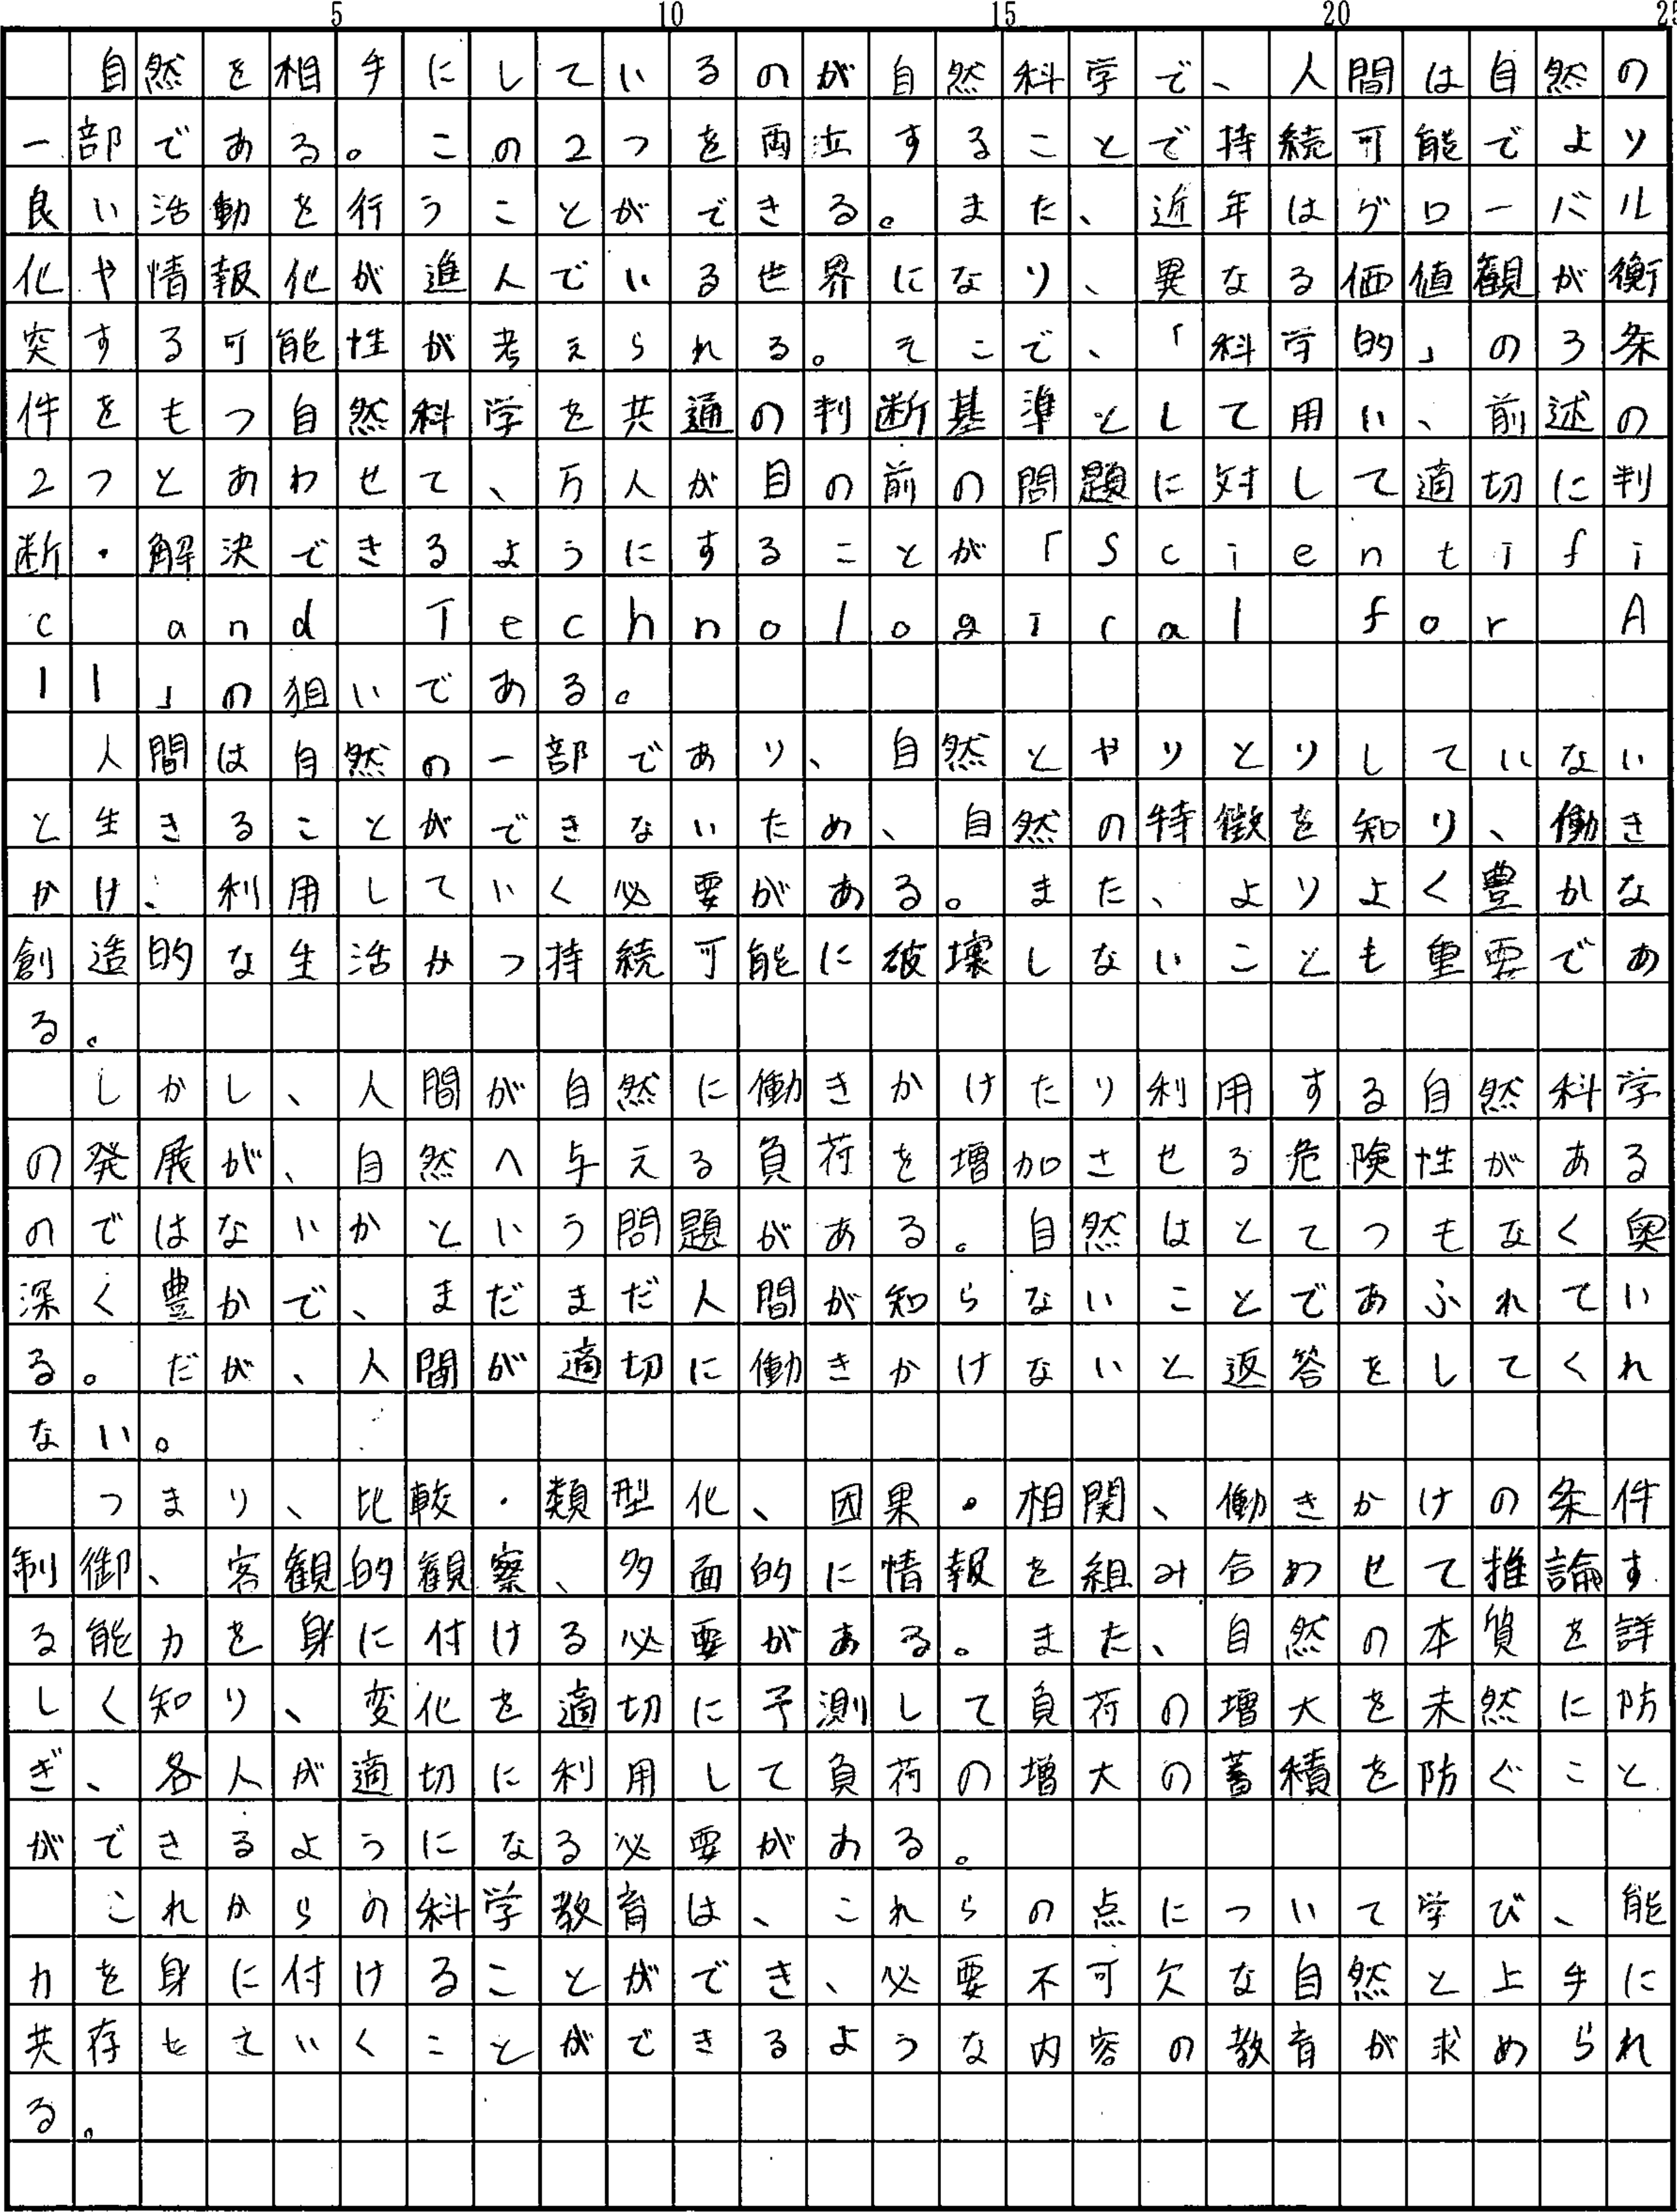　自然を相手にしているのが自然科学で、人間は自然の一部である。この２つを両立することで持続可能でより良い活動を行うことができる。また、近年はグローバル化や情報化が進んでいる世界になり、異なる価値観が衡突する可能性が考えられる。そこで、「科学的」の３条件をもつ自然科学を共通の判断基準として用い、前述の２つとあわせて、万人が目の前の問題に対して適切に判断・解決できるようにすることが「Ｓｃｉｅｎｔｉｆｉｃ　ａｎｄ　Ｔｅｃｈｎｏｌｏｇｉｃａｌ　ｆｏｒ　Ａｌｌ」の狙いである。
　人間は自然の一部であり、自然とやりとりしていないと生きることができないため、自然の特徴を知り、働きかけ、利用していく必要がある。また、よりよく豊かな創造的な生活かつ持続可能に破壊しないことも重要である。
　しかし、人間が自然に働きかけたり利用する自然科学の発展が、自然へ与える負荷を増加させる危険性があるのではないかという問題がある。自然はとてつもなく奥深く豊かで、まだまだ人間が知らないことであふれている。だが、人間が適切に働きかけないと返答をしてくれない。
　つまり、比較・類型化、因果・相関、働きかけの条件制御、客観的観察、多面的に情報を組み合わせて推論する能力を身に付る必要がある。また、自然の本質を詳しく知り、変化を適切に予測して負荷の増大を未然に防ぎ、各人が適切に利用して負荷の増大の蓄積を防ぐことができるようになる必要がある。
　これからの科学教育は、これらの点について学び、能力を身に付けることができ、必要不可欠な自然と上手に共存していくことができるような内容の教育が求められる。
